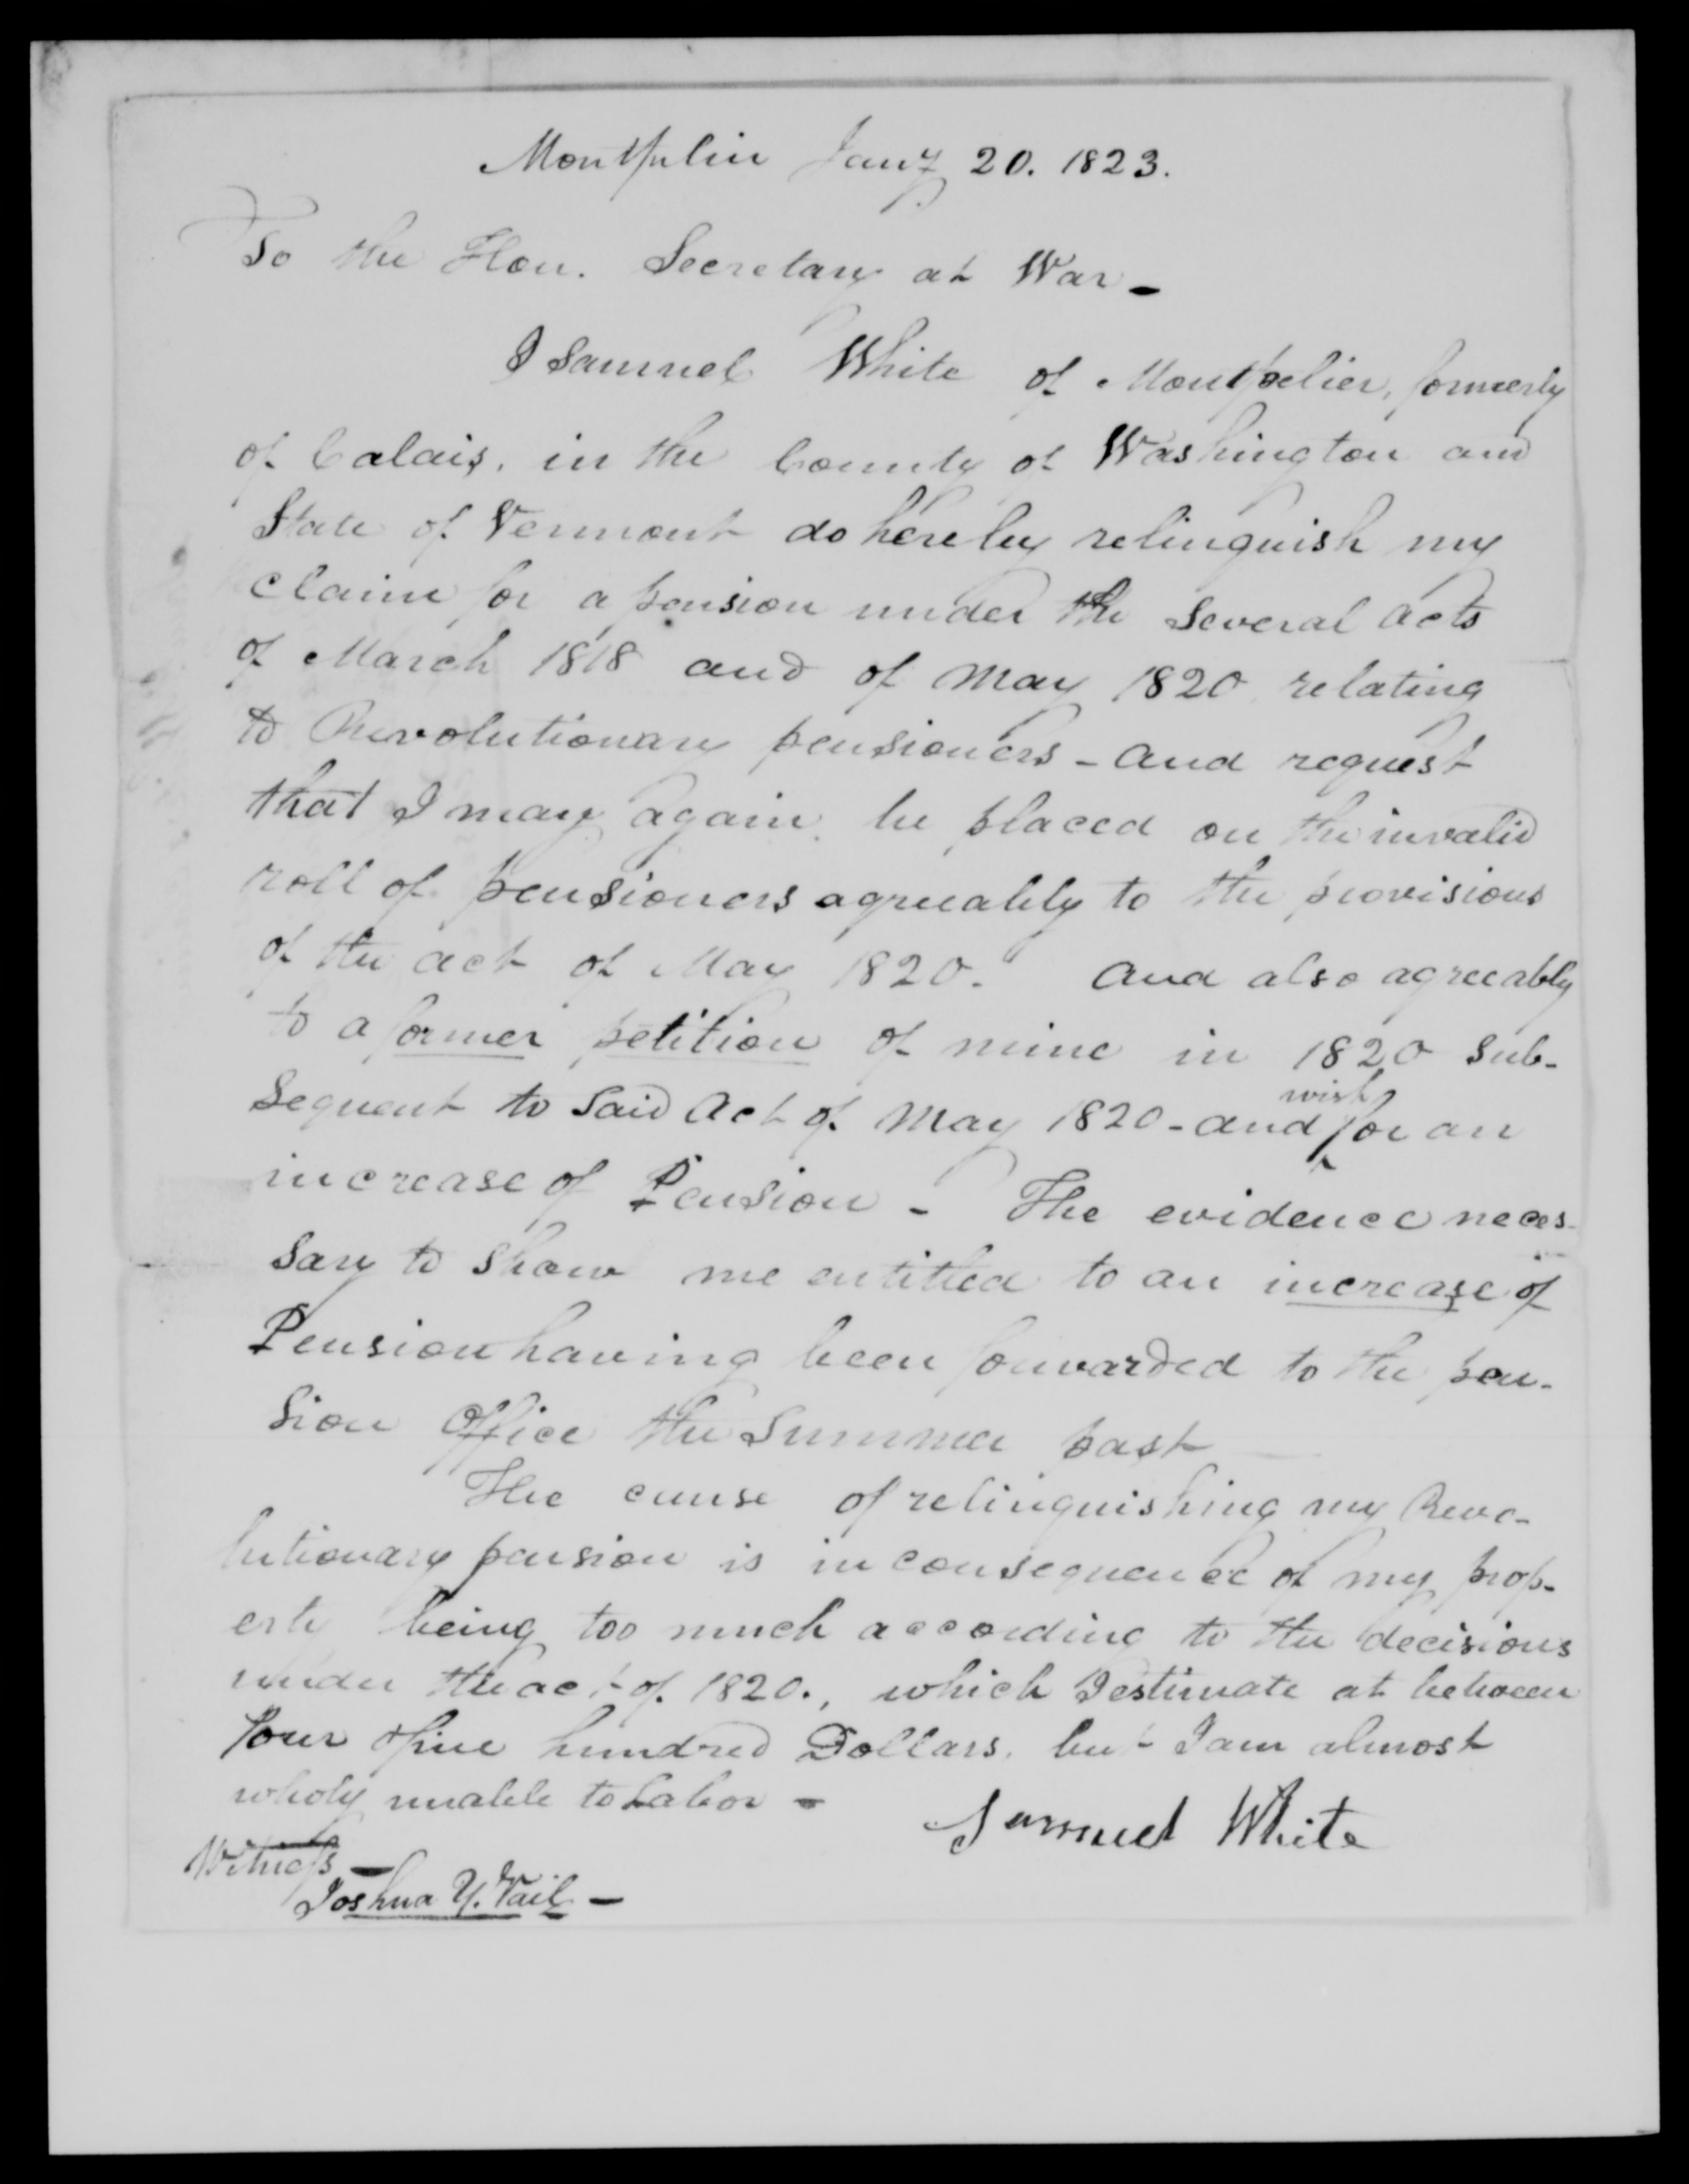Montpelier Jany 20, 1823

To the Hon. Secretary at War

I Samuel White of Montpelier formerly of Calais, in the County of Washington and State of Vermont do hereby relinquish my claim for a pension under the several acts of March 1818 and of May 1820 relating to Revolutionary pensioners-and request that I may again be placed on the invalid roll of pensioners agreeably to the provisions of the act of May 1820 and wish for an increase of pension. The evidence necessary to show me entitled to an increase of Pension having been forwarded to the pension office the summer last.
The cause of relinquishing my Revolutionary pension is in consequence of my property being too much according to the decisions under the act of 1820, which I estimate at between four & five hundred Dollars but I am almost wholy unable to labor.
Samuel White
Witness
Joshua Y. Vail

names: Joshua Y Nail, Samuel White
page: 46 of 79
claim: survivor's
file: S. 11759, Samuel White, Mass.